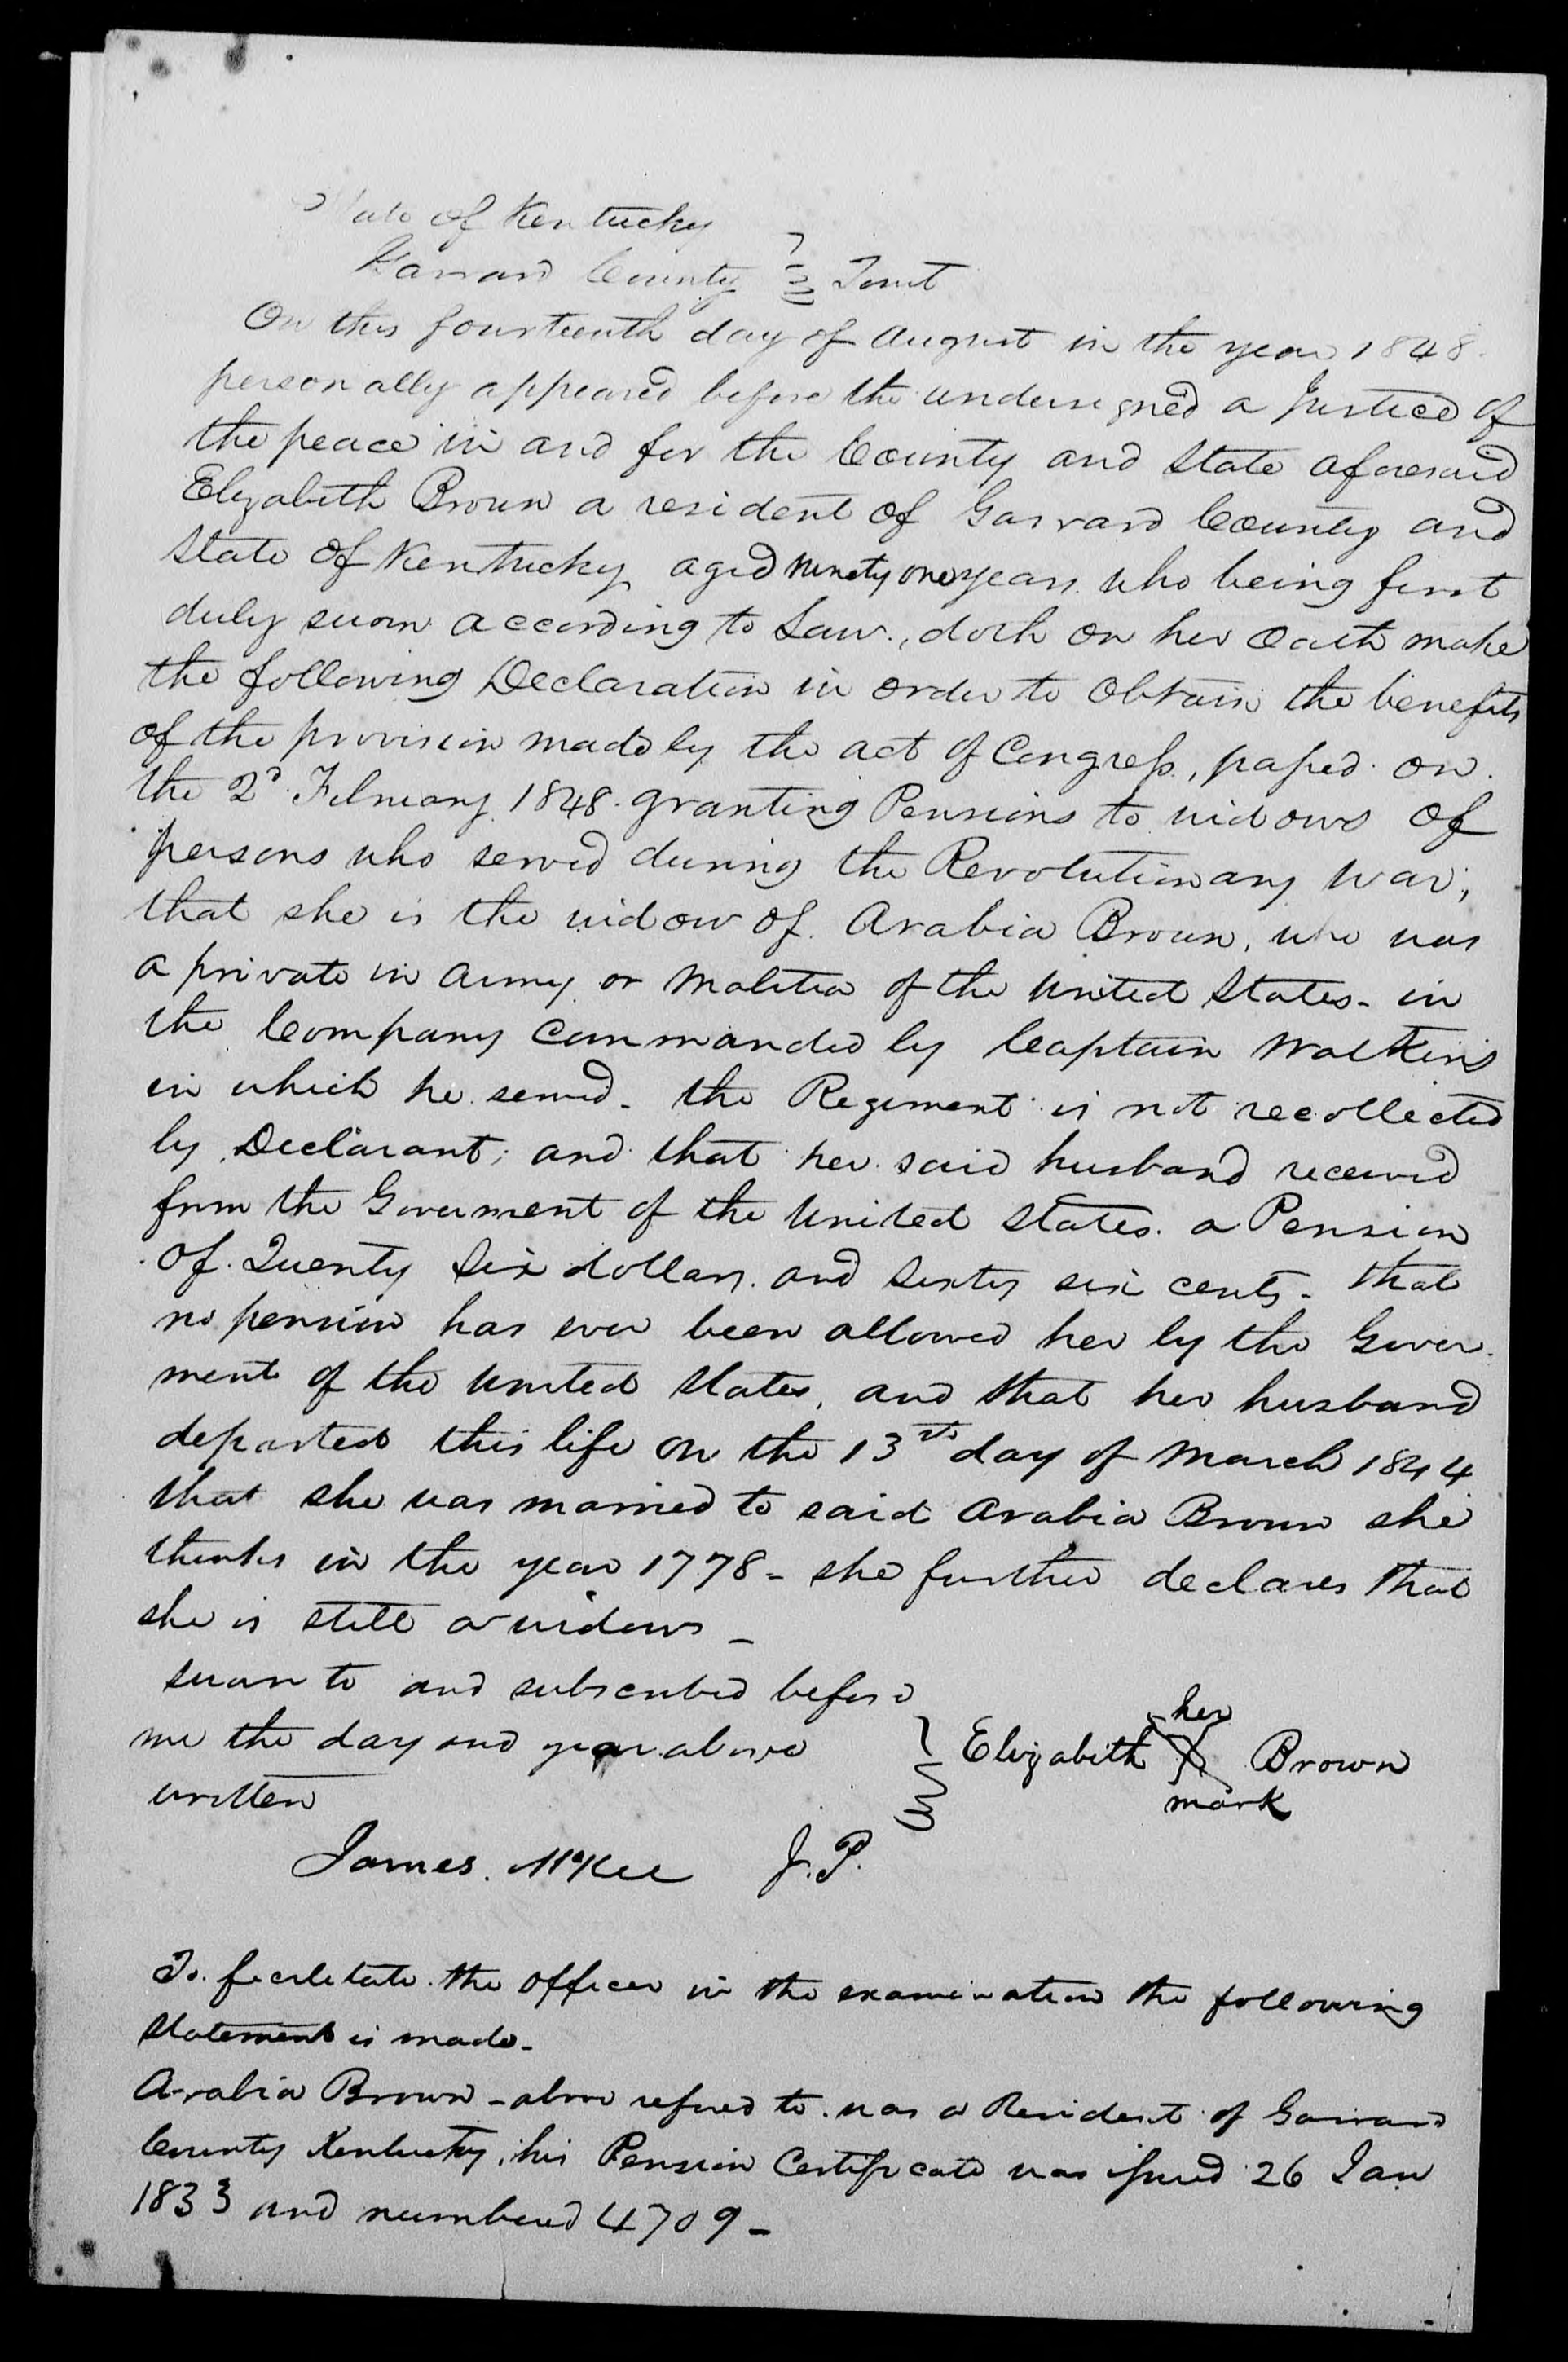State of Kentucky
Garrard County and [  ]
On this fourteenth day of August in the year 1848
personally appeared before the undersigned a Justice of
the peace in and for the County and State aforesaid
Elizabeth Brown a resident of Garrard County and
State of Kentucky aged ninety one years who being first
duly sworn according to Law, doth on her oath make
the following declaration in order to obtain the benefits
of the provision made by the act of Congress signed on
the 2d February 1848 granting pensions to widows of
persons who served during the Revolutionary war;
that she is the widow of Arabia Brown, who was a
private in Army or malitia of the United States, in
the Company commanded by Captain Walkins
in which he served the Regiment is not recollected
by Declarant; and that her said husband received
from the Government of the United States. a Pension
of Twenty Six dollars and sixty six cents, that
no pension has ever been allowed her by the Government
of the United States, and that her husband
departed this life on the 13th day of March 1844
that she was married to said Arabia Brown she
thinks in the year 1778 - she further declares that
she is still a widow
Sworn to and subscribed before
me the day and year above   Brown
written
James McKee  
J.
to facilitate the officer in the examination the following
statement is made
Arabia Brown above referred to was a resident of Seward
County Kentucky his Pension Certificate was filed 26 Jan
1833 and numbered 4709-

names: Elizabeth Brown, Arabia Brown, Arabia Brown, Arabia Brown, Elizabeth Brown, James Mc Kee, Watkins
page: 60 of 65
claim: widow's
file: W. 8384, Arabia Brown, Va.